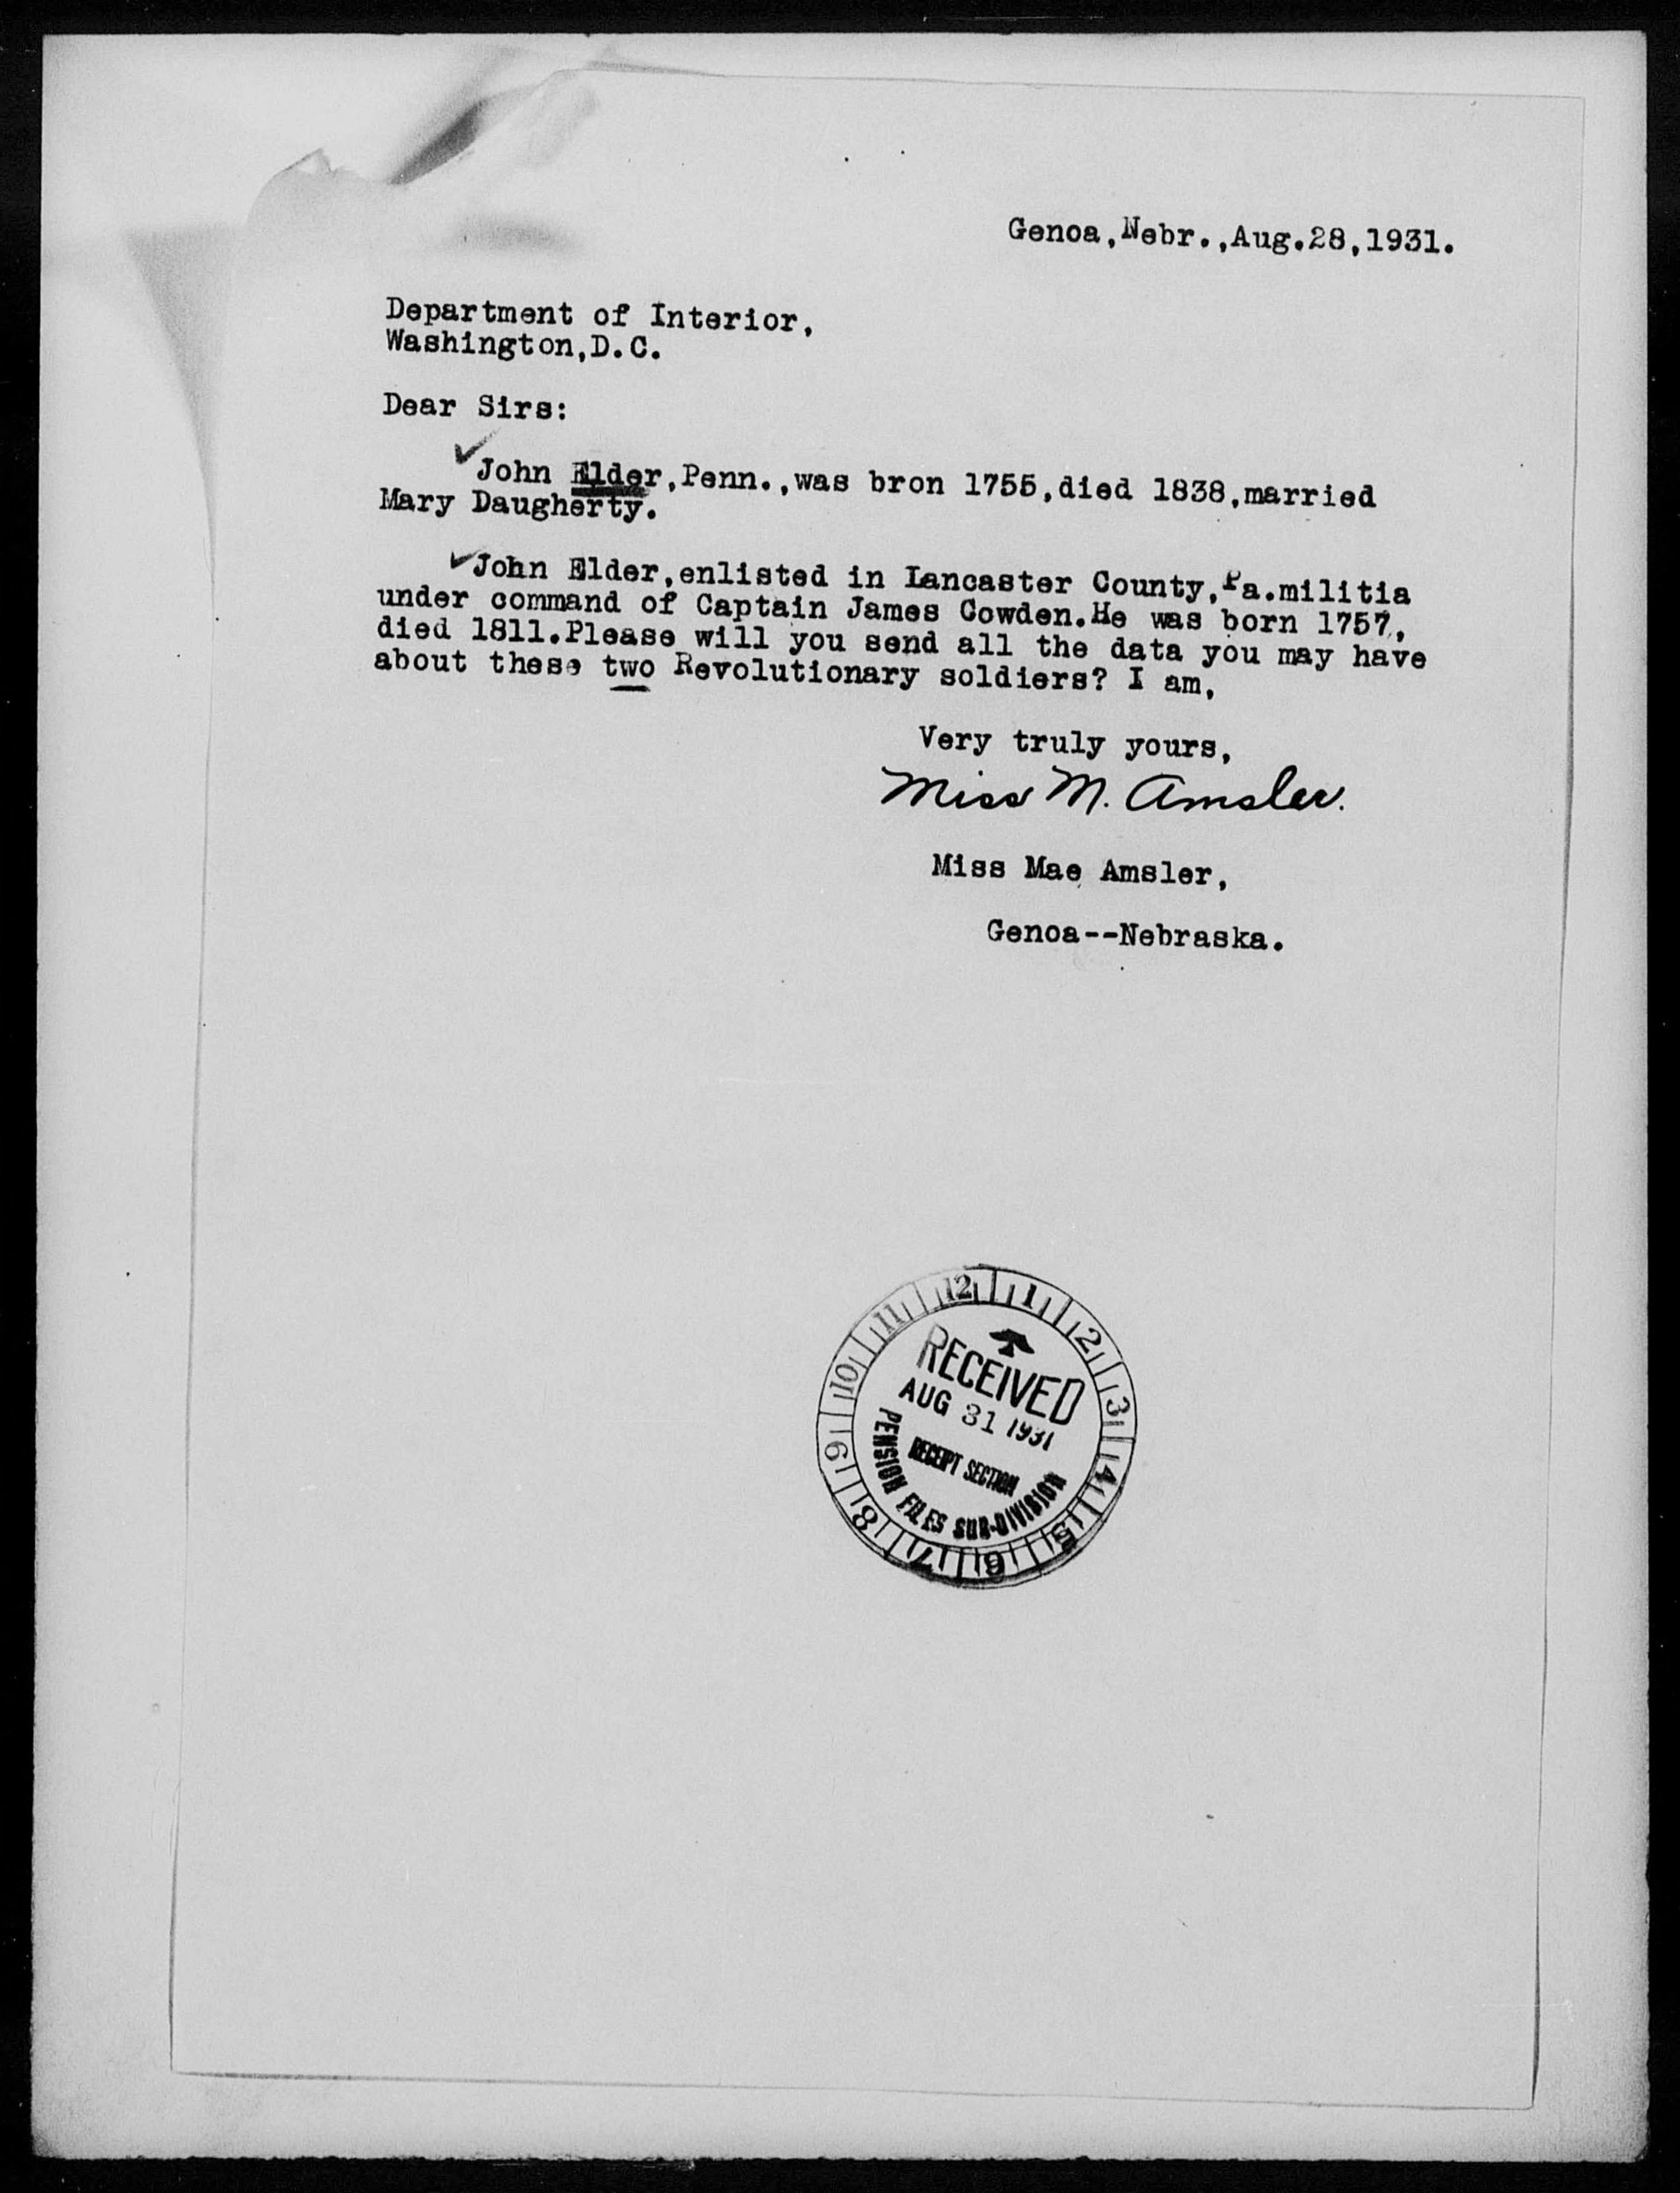Genoa, Nebr., Aug.28, 1931.
Department of Interior,
Washington, D.C.

Dear Sirs:
[handwritten check mark] John Elder [underlined], Penn., was bron 1755, died 1838, married Mary Daugherty.
[handwritten check mark] John Elder, enlisted in Lancaster County, Pa. militia under command of Captain James Cowden. He was born 1757, died 1811. Please will you send all the data you may have about these two [underlined] Revolutionary soldiers? I am, Very truly yours, Miss M Amsler [signature above], Genoa -- Nebraska.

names: M Amsler, John Elder, Mary Daugherty, Mae Amsler, James Gowden, John Elder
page: 68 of 80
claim: widow's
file: W. 24117, John Elder, Penn.